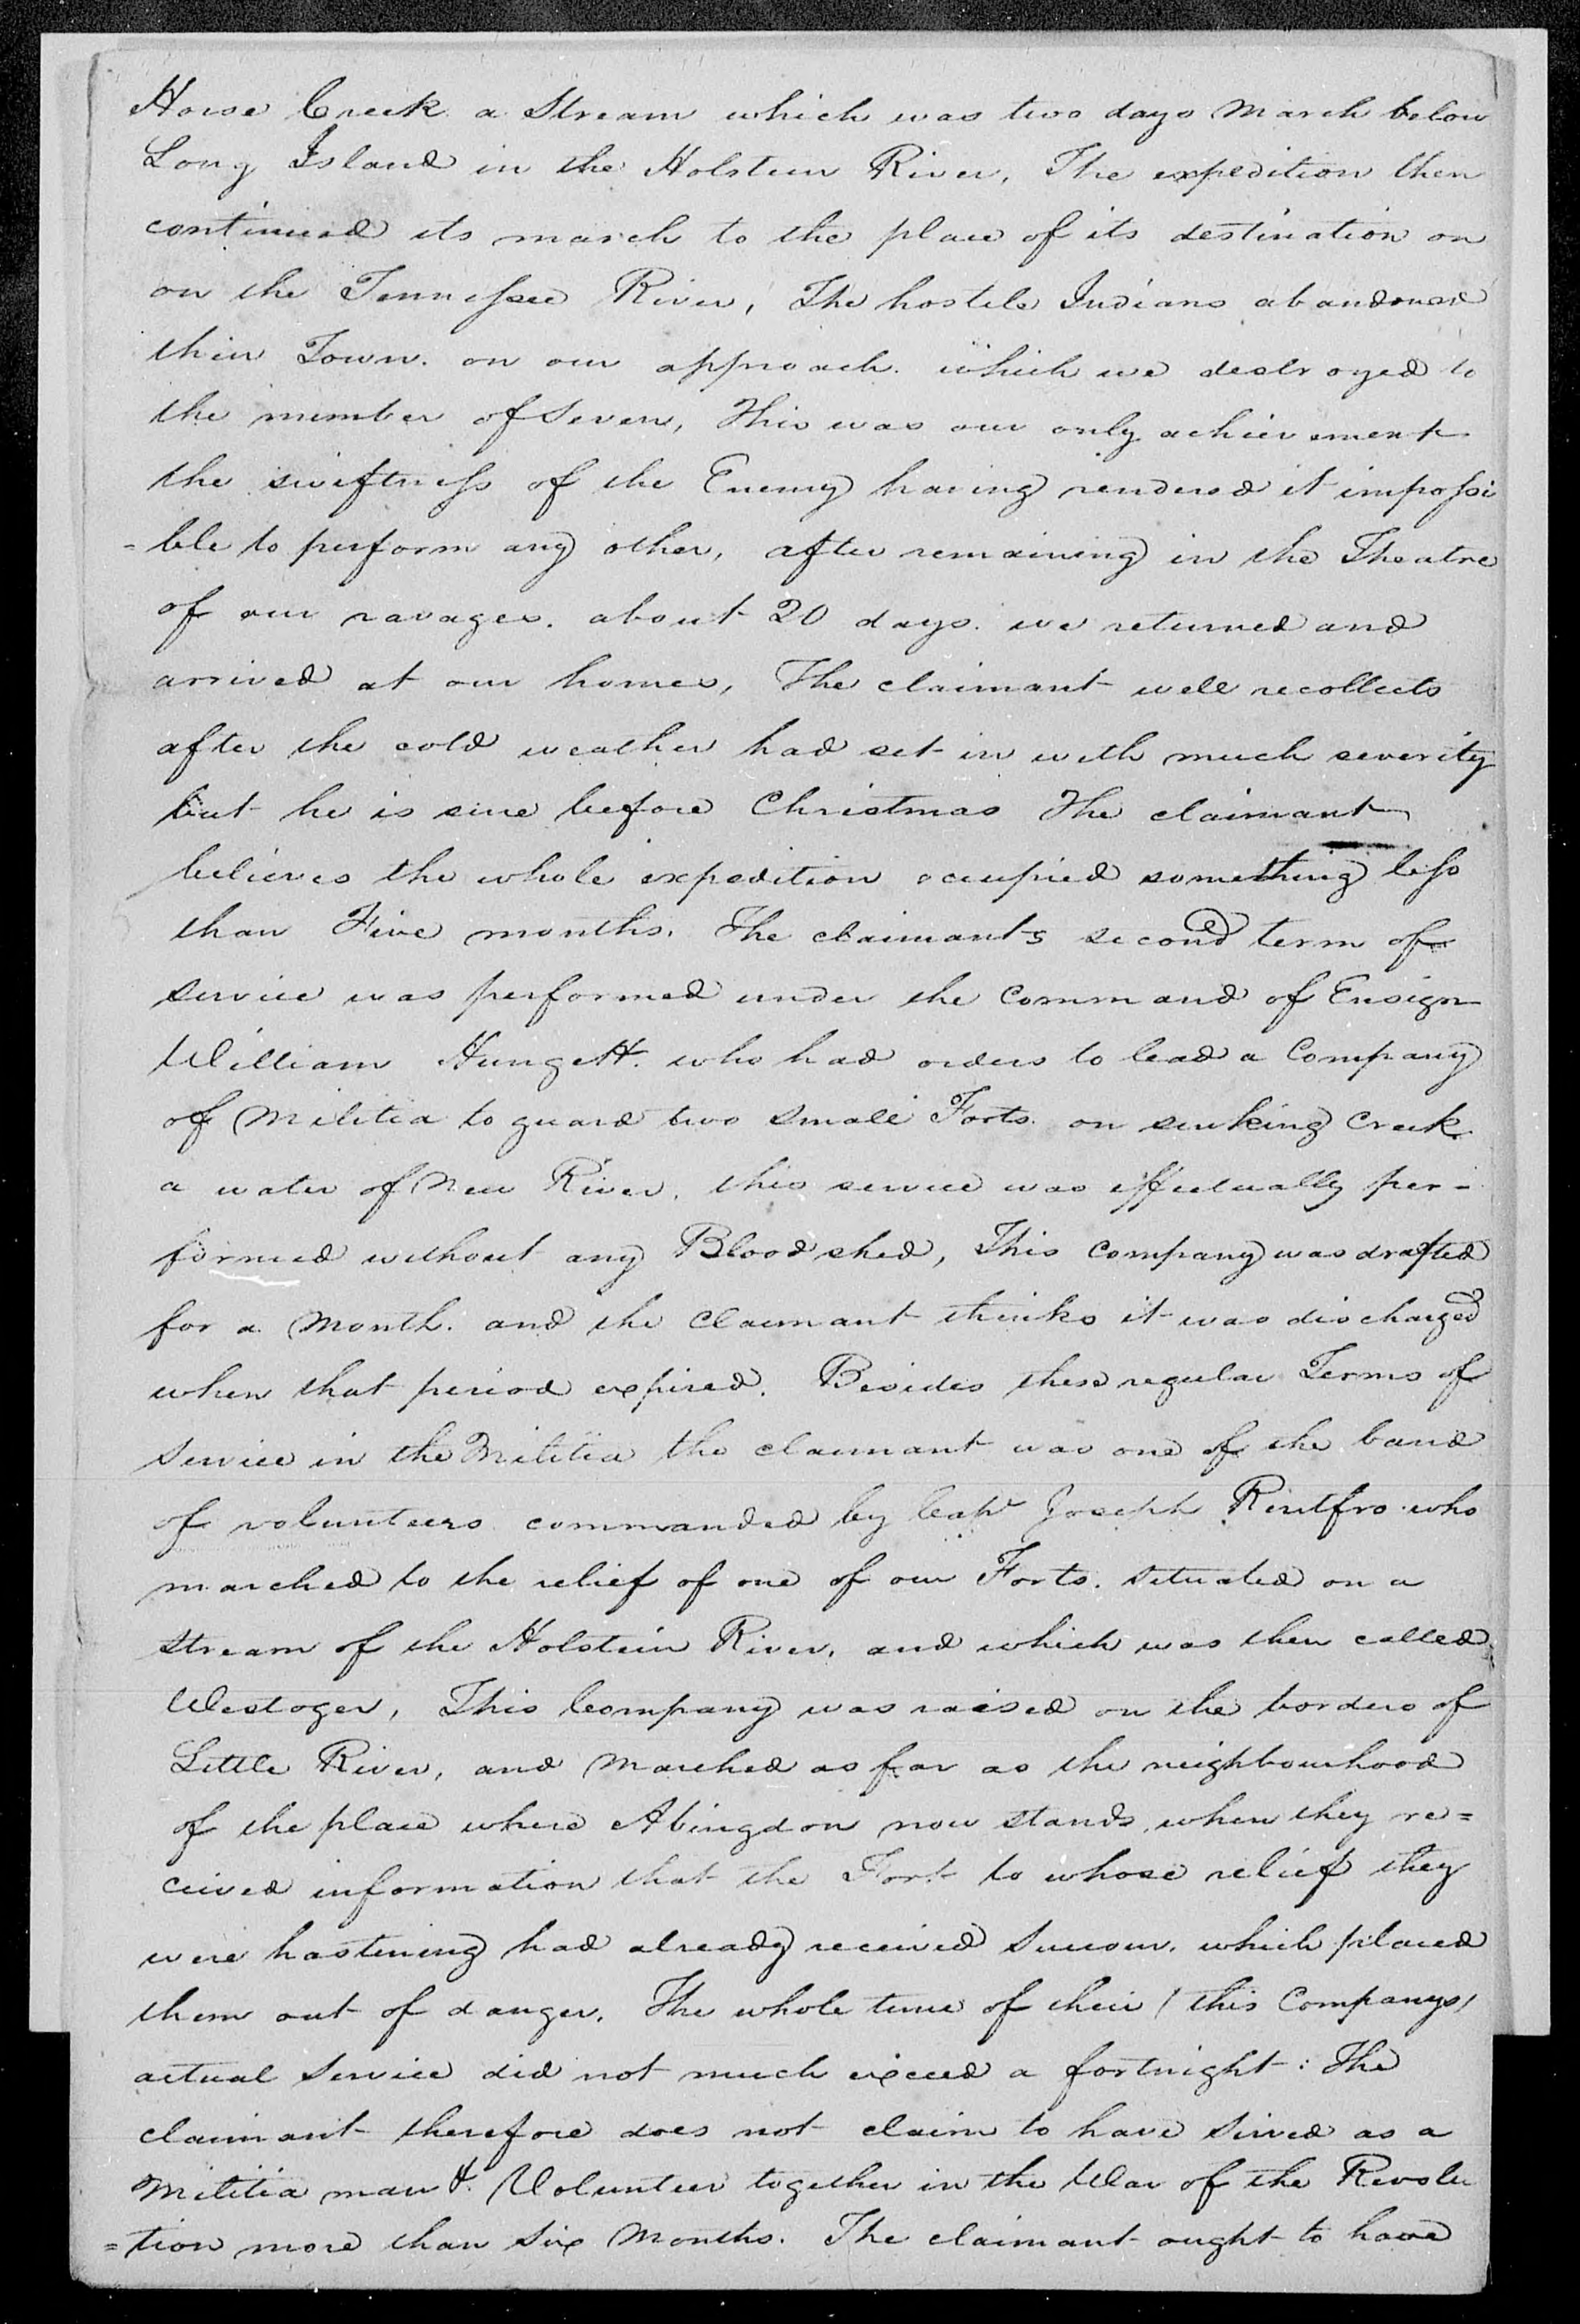Horse Creek a Stream which was two days March below Long Island in the Holstein River, The expedition then continued its march to the place of its destination on on the Tennessee River, The hostile Indians abandoned their Town on our approach which we destroyed to the number of Seven, This was our only achievement. the swiftness of the Enemy having rendered it impossible to perform any other, after remaining in the Theatre of our ravages, about 20 days we returned and arrived at our homes, The claimant well recollects after the cold weather had set in with much severity but he is sure before Christmas The claimant believes the whole expedition occupied something less than Five months. The claimants second term of service was performed under the Command of Ensign William Hungett. who had orders to lead a Company of Militia to guard two small Forts. on sinking creek a water of New River, this service was effectually performed without any Bloodshed, This company was drafted for a Month and the claimant thinks it was discharged when that period expired. Besides these regular Terms of Service in the Militia the claimant was one of the band of volunteers commanded by Capt. Joseph Rentfro who marched to the relief of one of our Forts. situated on a stream of the Holstein River, and which was then called Westogen, This Company was raised on the borders of Little River, and marched so far as the neighbourhood of the place where Abingdon now stands, when they received information that the Fort to whose relief they were hastening had already received Soldiers, which placed them out of danger. The whole term of their/this Companys actual service did not much exceed a fortnight: The claimant therefore does not claim to have served as a Militia man & Volunteer together in the War of the Revolution more than six months. The claimant ought to have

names: Joseph Rentfro, William Hungett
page: 4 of 12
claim: survivor's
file: S. 6796, Elijah Dickenson, Va.